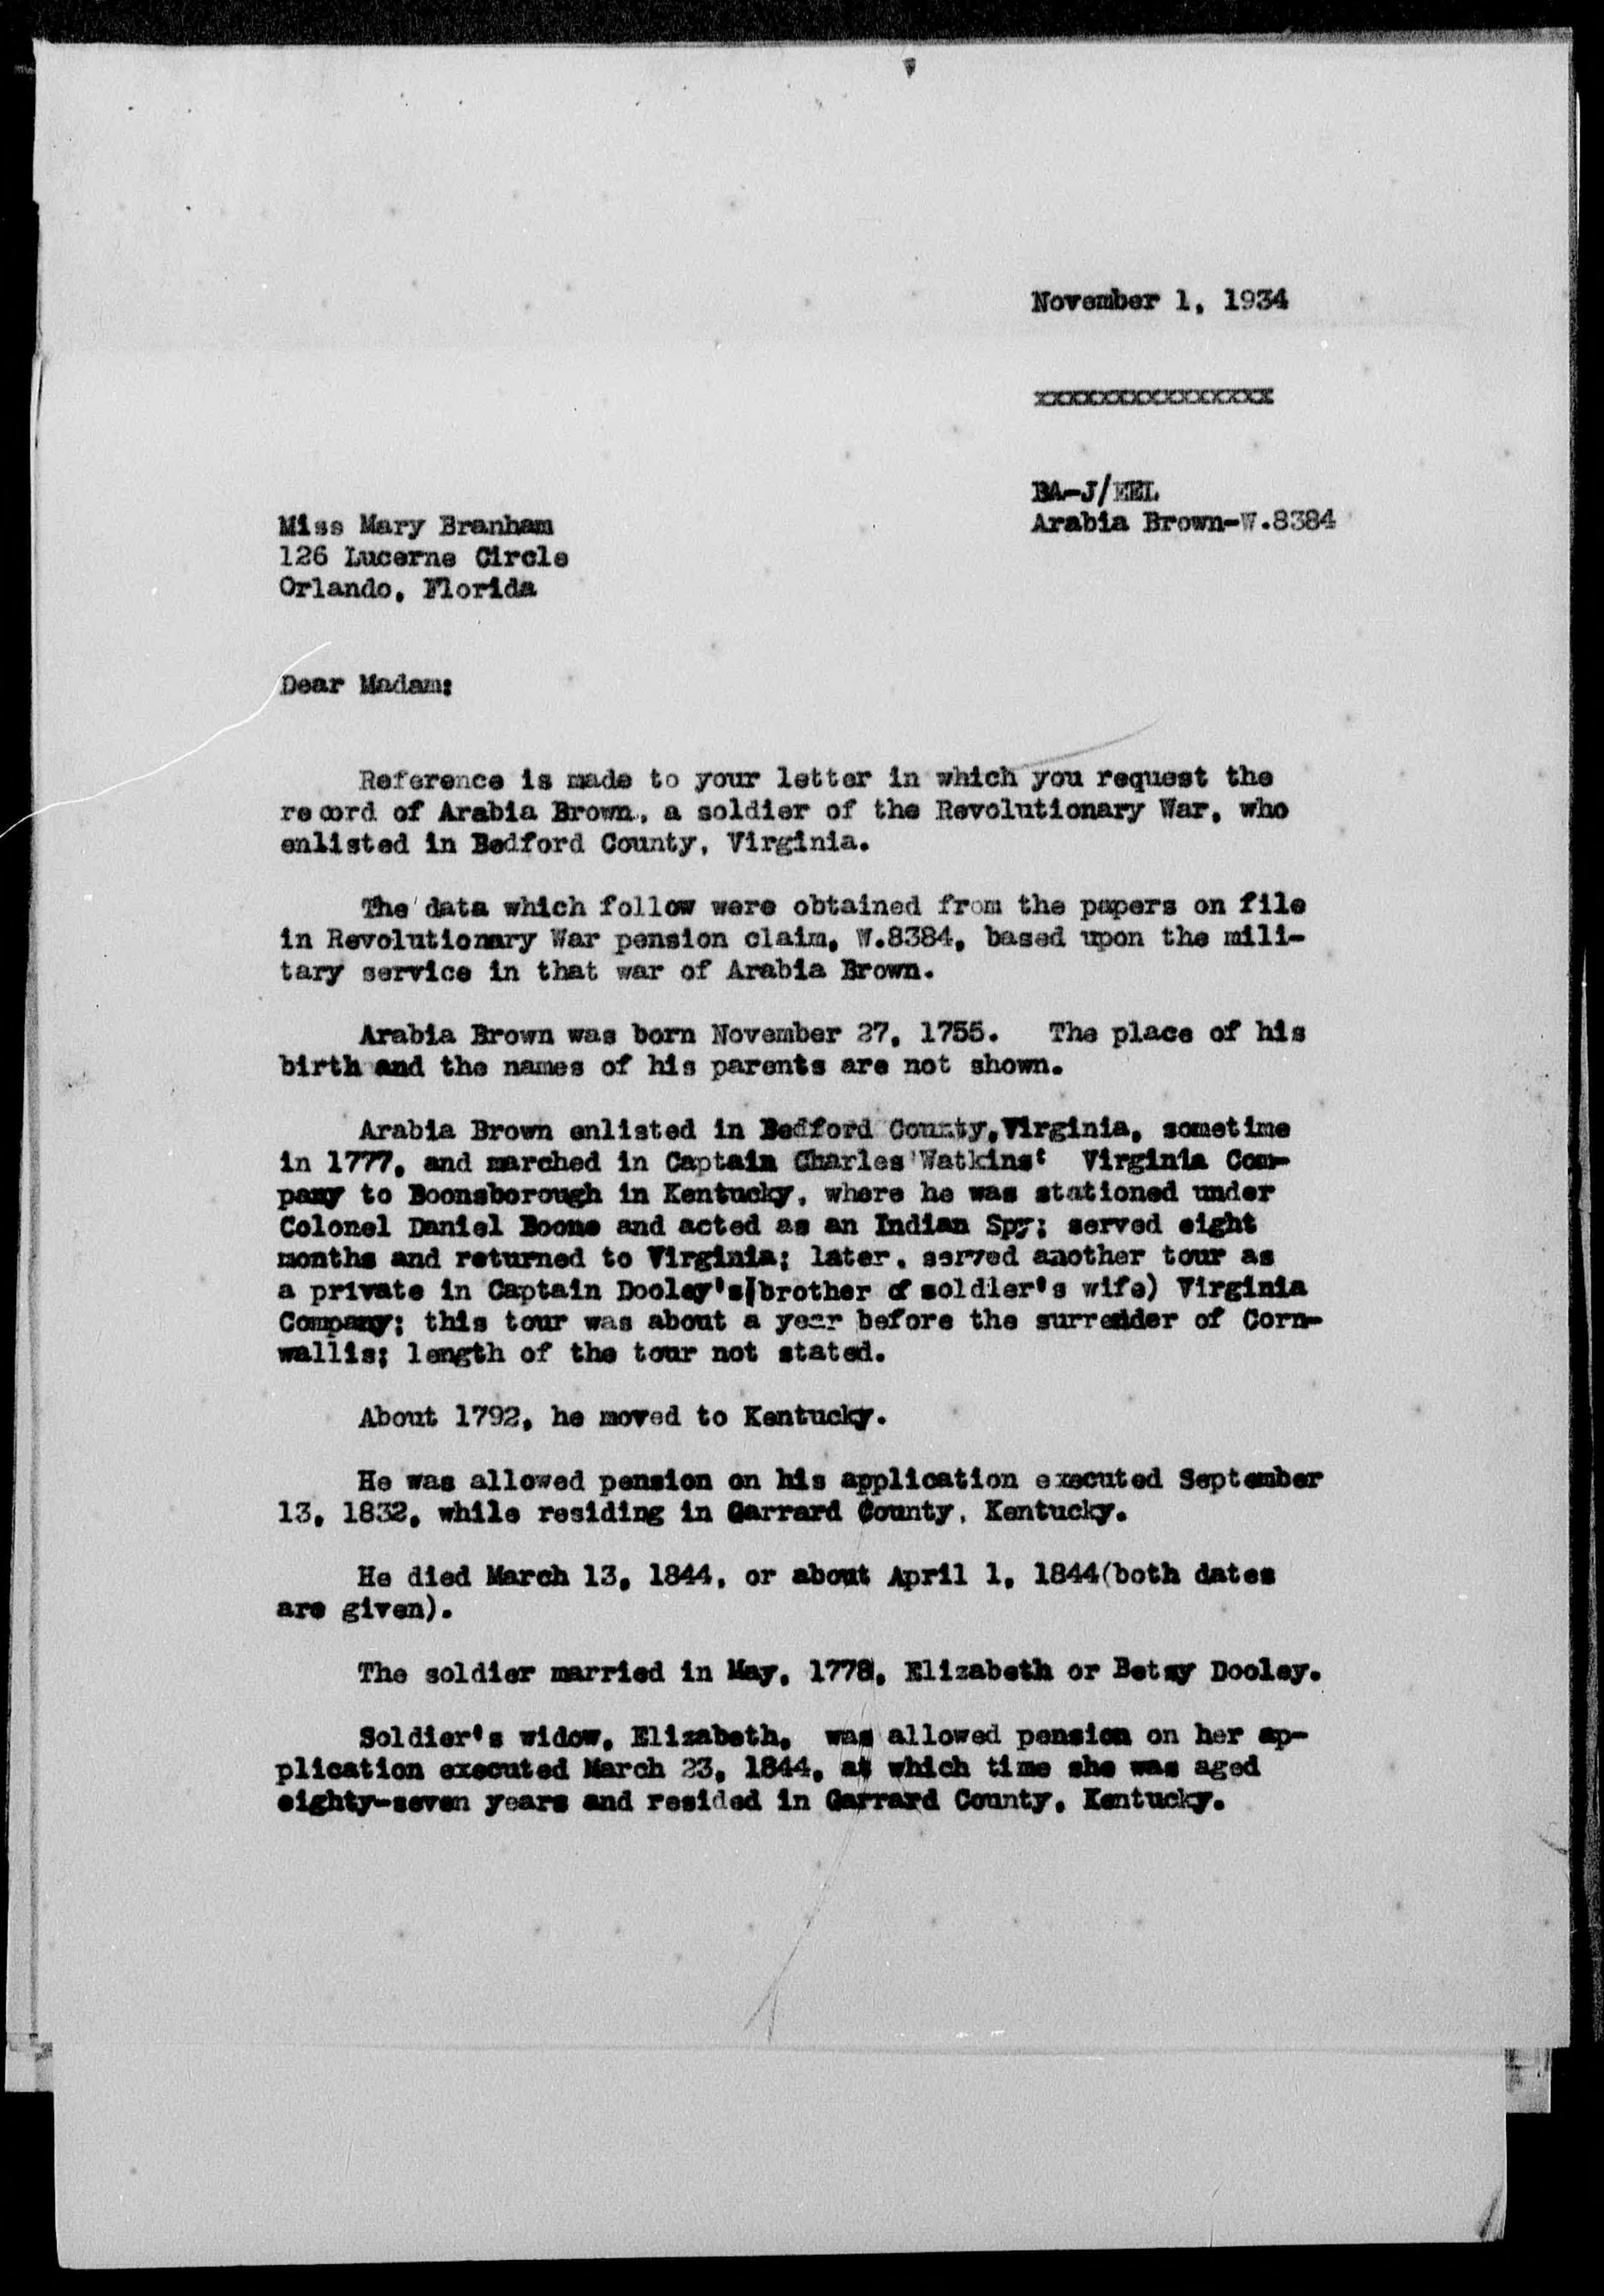November 1, 1934



xxxxxxxxxxxxxxxx

BA-J/EEL
Arabia Brown-W.8384

Miss Mary Branham
126 Lucerne Circle
Orlando, Florida

Dear Madam:

Reference is made to your letter in which you request the
record of Arabia Brown, a soldier of the Revolutionary War, who
enlisted in Bedford County, Virginia.

The data which follow were obtained from the papers on file
in Revolutionary War pension claim, W.8384, based upon the military service in that war of Arabia Brown.

Arabia Brown was born November 27, 1755.  The place of his
birth and the names of his parents are not shown.

Arabia Brown enlisted in Bedford County, Virginia, sometime
in 1777, and marched in Captain Charles Watkins Virginia Company to Boonsborough [sic] in Kentucky, where he was stationed under Colonel Daniel Boone and acted as an Indian Spy; served eight months and returned to Virginia; later, served another tour as
a private in Captain Dooley's (brother of soldier's wife) Virginia Company; this tour was about a year before the surrender of Cornwallis; length of the tour not stated.

About 1792, he moved to Kentucky.

He was allowed pension on his application executed September 
13, 1832, while residing in Garrard County, Kentucky.

He died March 13, 1844 or about April 1, 1844 (both dates are given).

The soldier married in May, 1778, Elizabeth or Betsy Dolley.

Soldier's widow, Elizabeth, was allowed pension on her application executed March 23, 1844, at which time she was aged
eighty-seven years and resided in Garrard County, Kentucky.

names: Mary Branham, Betsy Dooley, Arabia Brown, Elizabeth Dooley, Arabia Brown, Daniel Boone, Elizabeth, Arabia Brown, Arabia Brown, Arabia Brown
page: 38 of 65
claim: widow's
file: W. 8384, Arabia Brown, Va.